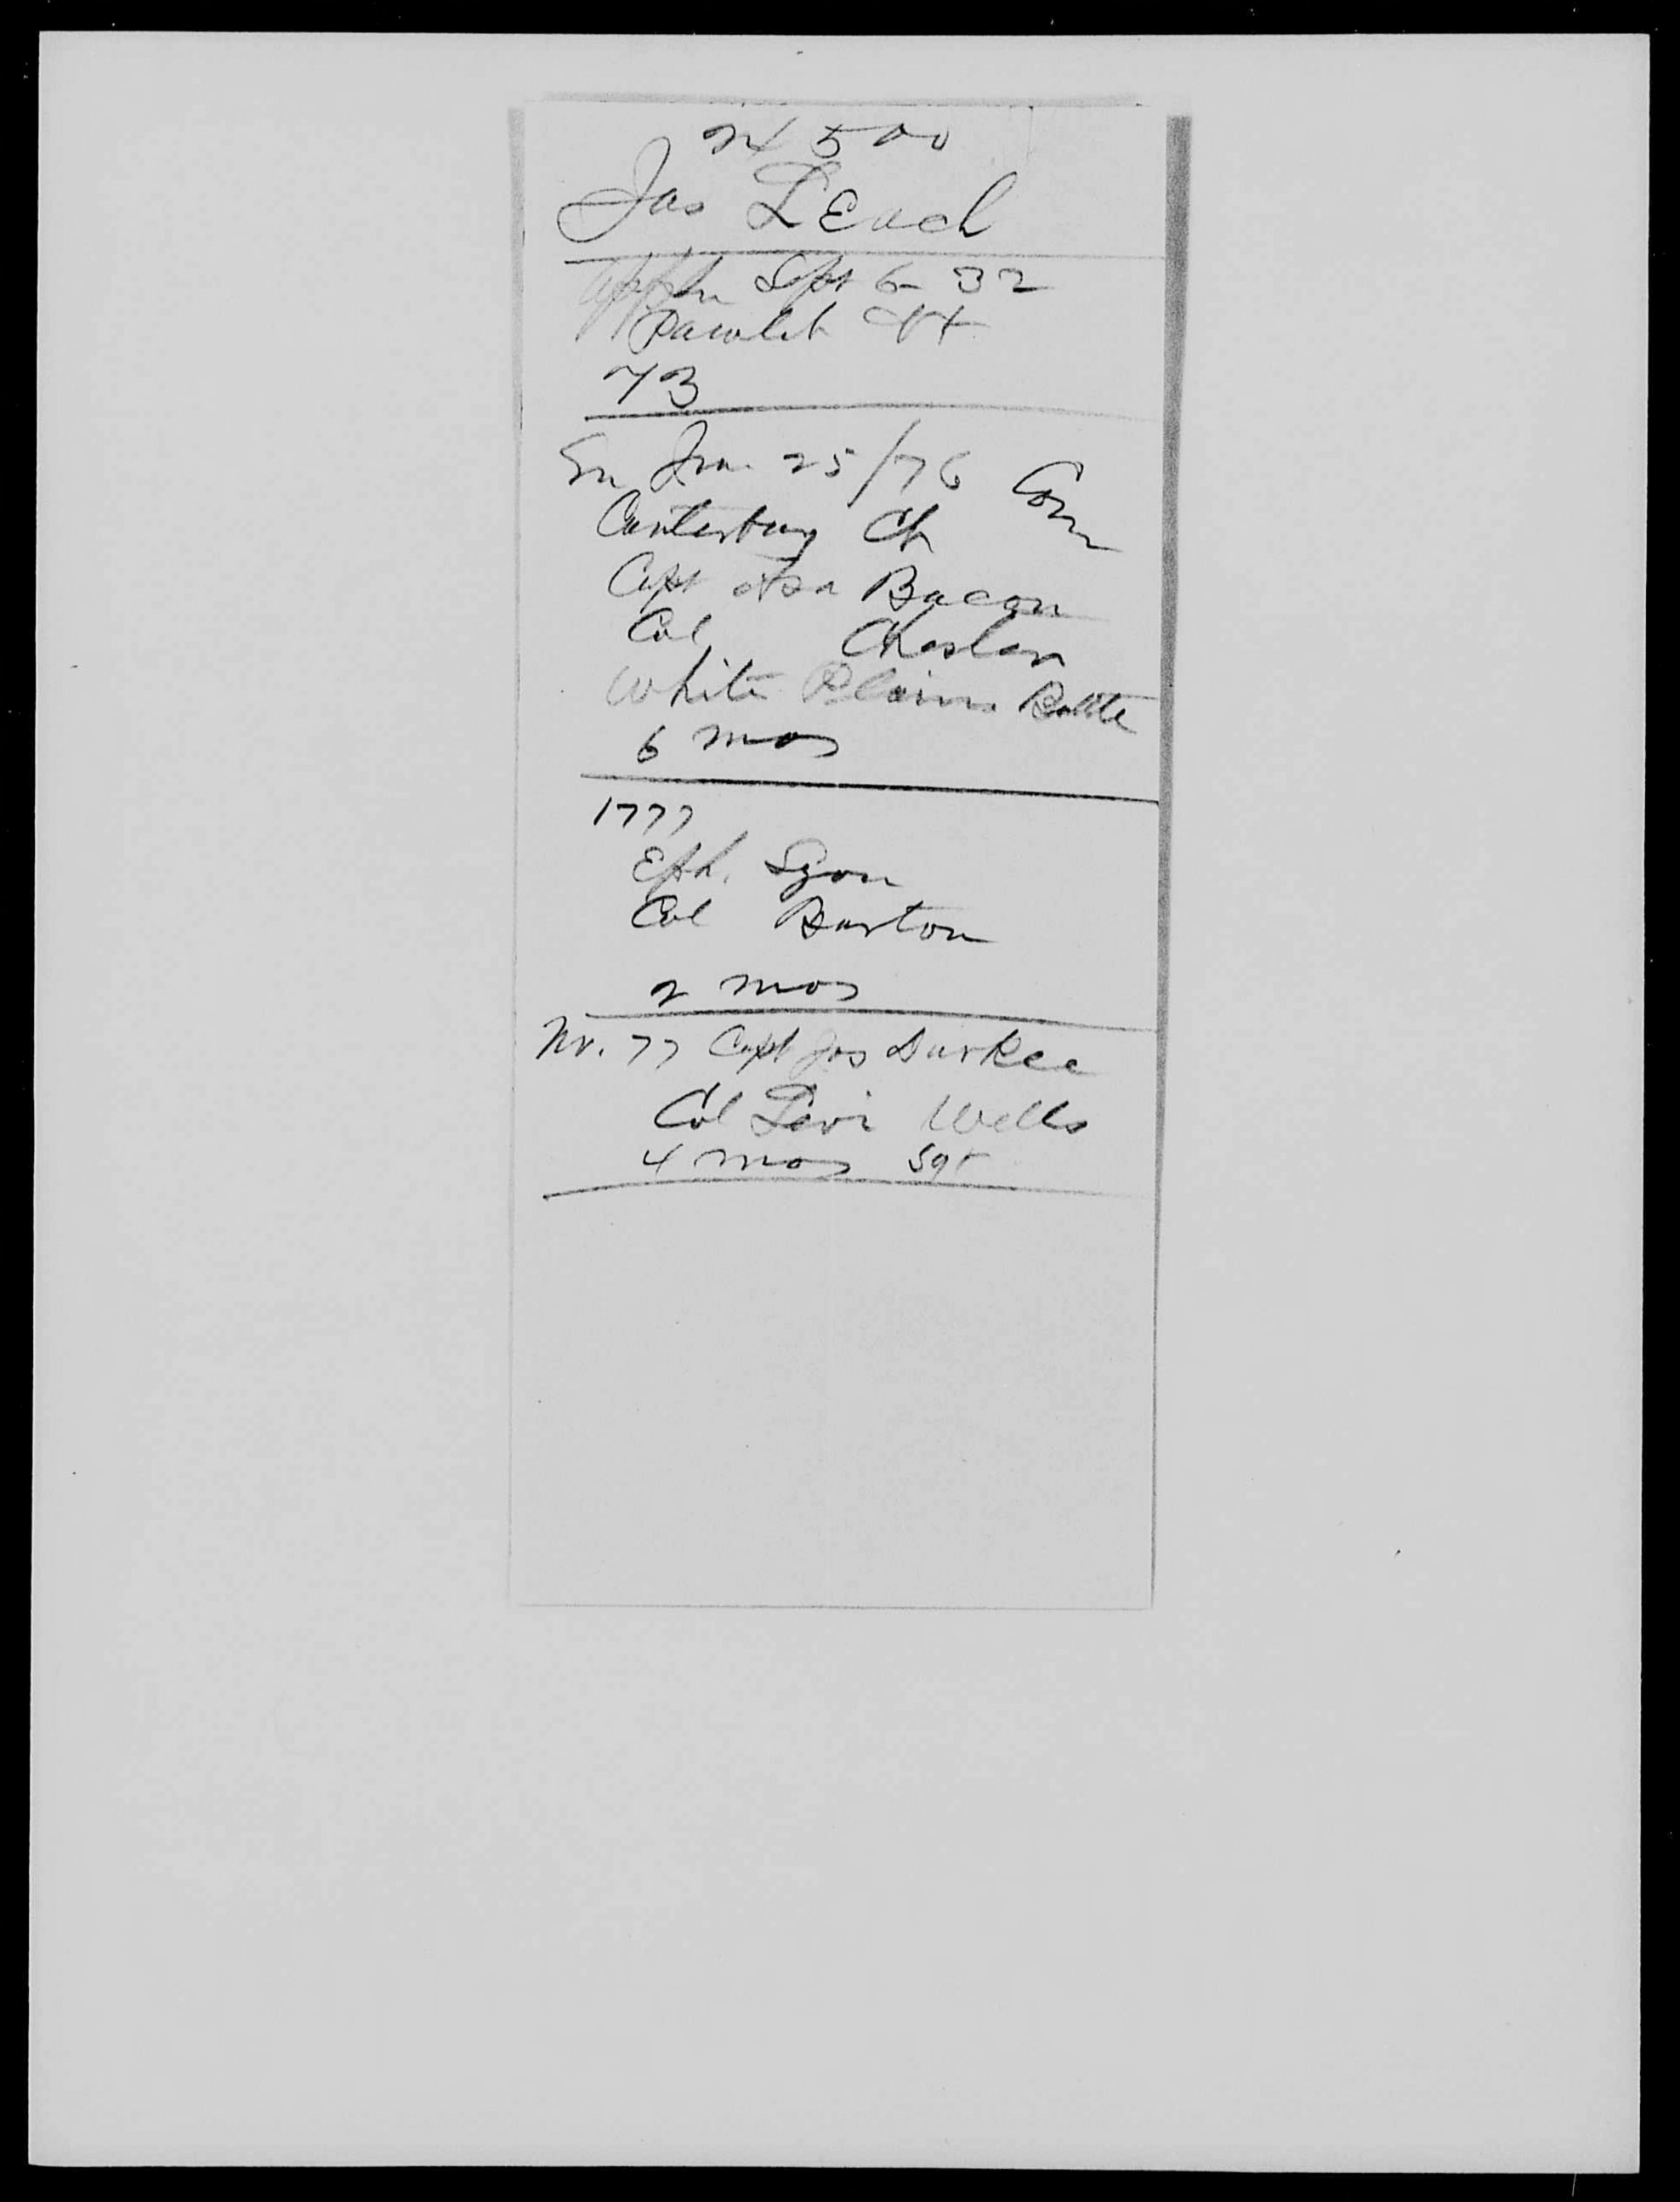nx500
Jas Leach
Appln Sept 6 32
Pawlet Vt
73
Sm June 25/76
Canterbury Ch Conn
Capt Asa Bacon
Col Chester
White Plains Battle
6 mos
1777
Eph Lyon
Col Barton
2 mos
Nv. 77 Capt Jos Durkee
Col Levi Wells
4 mos Sgt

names: Jas Leach; [BLANK] Lyon; [BLANK] Barton; Asa Bacon; Jos Durkee; [BLANK] Chester; Levi Wells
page: 20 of 27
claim: widow's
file: W. 24,500, for James Leach, Connecticut